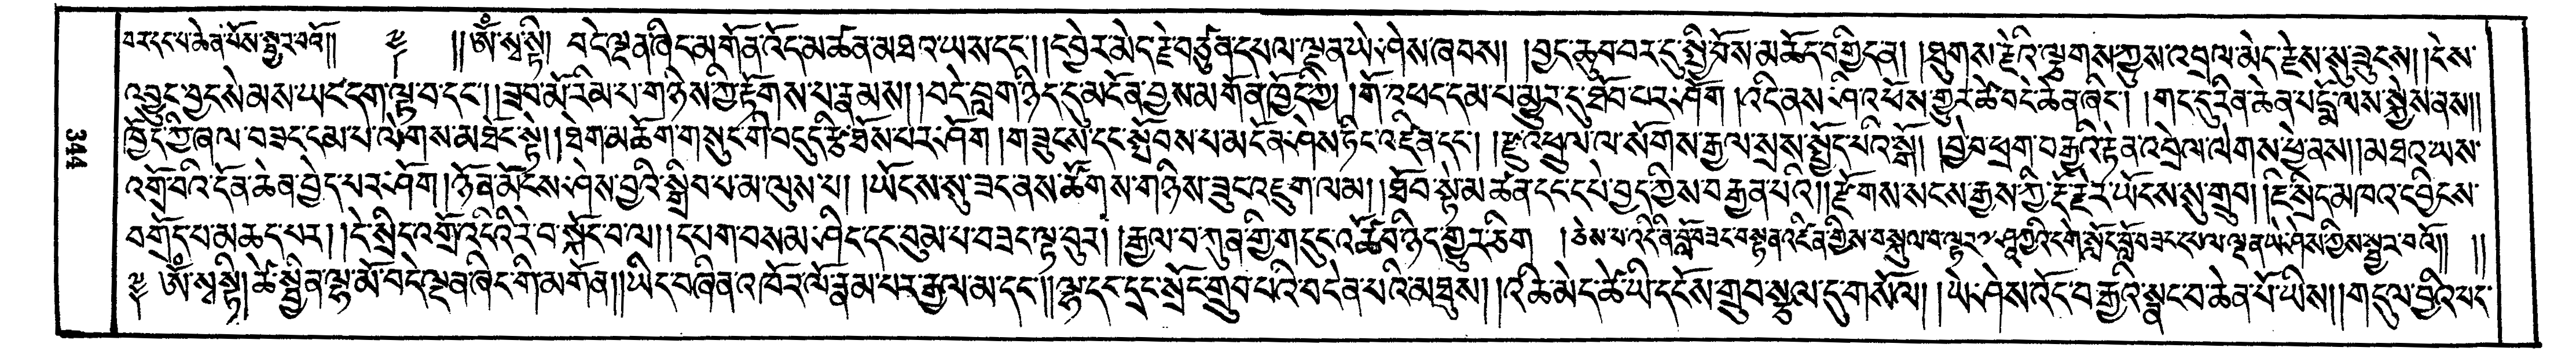བར་དད་བ་ཆེན་པོས་སྦྱར་བའོ།། ༈ །།ཨོཾ་སྭསྟི། བདེ་ལྡན་ཞིང་མགོན་འོད་མཚན་མཐའ་ཡས་དང་། །དབྱེར་མེད་རྗེ་བཙུན་དཔལ་ལྡན་ཡེ་ཤེས་ཞབས། །བྱང་ཆུབ་བར་དུ་སྦྱི་བོས་མཆོད་བགྱིད་ན། །ཐུགས་རྗེའི་ལྕགས་ཀྱུས་འབྲལ་མེད་རྗེས་སུ་ཟུངས། །ངེས་
འབྱུང་བྱང་སེམས་ཡང་དག་ལྟ་བ་དང་། །ཟབ་མོ་རིམ་པ་གཉིས་ཀྱི་རྟོགས་པ་རྣམས། །བདེ་བླག་ཉིད་དུ་མངོན་བྱས་མགོན་ཁྱོད་ཀྱི། །གོ་འཕང་དམ་པ་མྱུར་དུ་ཐོབ་པར་ཤོག །འདི་ནས་ཤི་འཕོས་གྱུར་ཚེ་བདེ་ཆེན་ཞིང་། །གང་དུ་རིན་ཆེན་པདམོ་ལས་སྐྱེས་ནས།།
ཁྱོད་ཀྱི་ཞལ་བཟང་དམ་པ་ལེགས་མཐོང་སྟེ། །ཐེག་མཆོག་གསུང་གི་བདུད་རྩི་ཐོས་པར་ཤོག །གཟུངས་དང་སྤོབས་པ་མངོན་ཤེས་ཏིང་འཛིན་དང་། །རྫུ་འཕྲུལ་ལ་སོགས་རྒྱལ་སྲས་སྤྱོད་པའི་སྒོ། །བྱེ་བ་ཕྲག་བརྒྱའི་རྟེན་འབྲེལ་ལེགས་ཕྱེ་ནས། །མཐའ་ཡས་
འགྲོ་བའི་དོན་ཆེན་བྱེད་པར་ཤོག །ཉོན་མོངས་ཤེས་བྱའི་སྒྲིབ་པ་མ་ལུས་པ། །ཡོངས་སུ་ཟད་ནས་ཚོགས་གཉིས་ཟུང་འཇུག་ལམ། །ཐོབ་སྟེ་མཚན་དང་དཔེ་བྱད་ཀྱིས་བ་རྒྱན་པའི། །རྫོགས་སངས་རྒྱས་ཀྱི་རྡོ་རྗེར་ཡོངས་སུ་གྲུབ། །ཇི་སྲིད་མཁའ་དབྱིངས་
བགྲོད་བམ་ཆད་པར། །དེ་སྲིད་འགྲོ་འདིའི་རེ་བ་སྐོབ་བ་ལ། །དཔག་བསམ་ཤིང་དང་བུམ་པ་བཟང་ལྟ་བུར། །རྒྱལ་བ་ཀུན་གྱི་གདུང་འཚོ་བ་ཉིད་གྱུར་ཅིག །ཅེས་པ་འདི་ནི་བློ་བཟང་བསྟན་འཛིན་གྱིས་བསྐུལ་བལྟར ༧ཤཱཀྱའི་དགེ་སློང་བློ་བཟང་དཔལ་ལྡན་ཡེ་ཤེས་ཀྱིས་སྦྱར་བའོ།། །།
༈ ཨོཾ་སྭ་སྟི། ཚེ་སྦྱིན་ལྷ་མོ་བདེ་ལྡན་ཞིང་གི་མགོན། །ཡིད་བཞིན་འཁོར་ལོ་རྣམ་པར་རྒྱལ་མ་དང་། །ལྷ་དང་དྲང་སྲོང་གྲུབ་པའི་བདེན་པའི་མཐུས། །འཆི་མེད་ཚེ་ཡི་དངོས་གྲུབ་སྩལ་དུ་གསོལ། །ཡེ་ཤེས་འོད་བརྒྱའི་སྣང་བ་ཆེན་པོ་ཡིས། །གདུལ་བྱའི་པད་